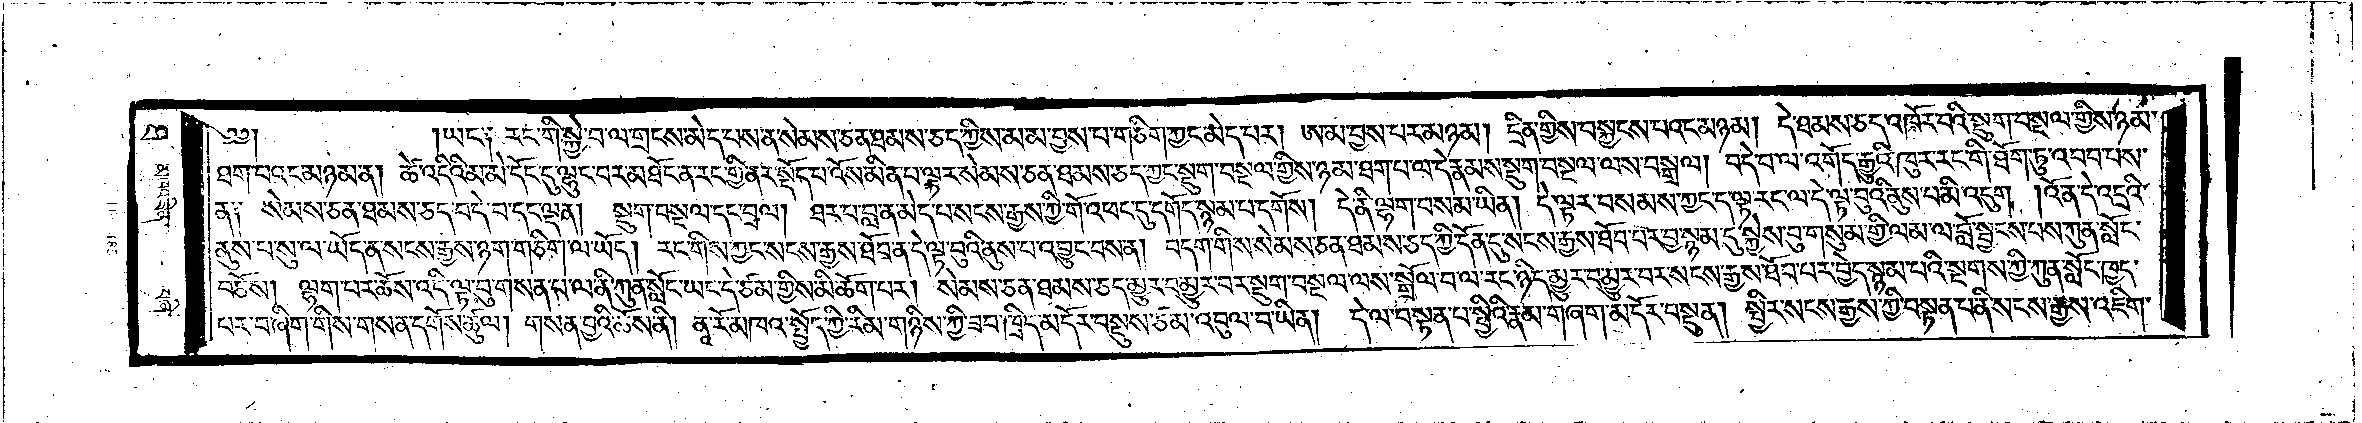༄༅། །ཡང༑ རང་གི་སྐྱེ་བ་ལ་གྲངས་མེད་པས་ན་སེམས་ཅན་ཐམས་ཅད་ཀྱིས་མ་མ་བྱས་པ་གཅིག་ཀྱང་མེད་པར། ཨ་མ་བྱས་པར་མཉམ། དྲིན་གྱིས་བསྐྱངས་པའང་མཉམ། དེ་ཐམས་ཅད་འཁོར་བའི་སྡུག་བསྔལ་གྱིས་ཉམ་
ཐག་པའང་མཉམ་ན། ཚེ་འདིའི་མ་མེ་དོང་དུ་ལྷུང་བར་མཐོང་ན་རང་གྱི་ནར་སྡོད་པ་འོས་མིན་པ་ལྟར་སེམས་ཅན་ཐམས་ཅད་ཀྱང་སྡུག་བསྔལ་གྱིས་ཉམ་ཐག་པ་ལ་དེ་རྣམས་སྡུག་བསྔལ་ལས་བསྒྲལ། བདེ་བ་ལ་འགོད་རྒྱུའི་ཁུར་རང་གི་ཐོག་ཏུ་འབབ་པས་
ན༑ སེམས་ཅན་ཐམས་ཅད་བདེ་བ་དང་ལྡན། སྡུག་བསྔལ་དང་བྲལ། ཐར་པ་བླ་ན་མེད་པ་སངས་རྒྱས་ཀྱི་གོ་འཕང་དུ་དགོད་སྙམ་པ་དགོས། དེ་ནི་ལྷག་བསམ་ཡིན། དེ་ལྟར་བསམས་ཀྱང་ད་ལྟ་རང་ལ་དེ་ལྟ་བུའི་ནུས་པ་མི་འདུག །འོ་ན་དེ་འདྲའི་
ནུས་པ་སུ་ལ་ཡོད་ན་སངས་རྒྱས་ཉག་གཅིག་ལ་ཡོད། རང་གིས་ཀྱང་སངས་རྒྱས་ཐོབ་ན་དེ་ལྟ་བུའི་ནུས་པ་འབྱུང་བས་ན། བདག་གིས་སེམས་ཅན་ཐམས་ཅད་ཀྱི་དོན་དུ་སངས་རྒྱས་ཐོབ་པར་བྱ་སྙམ་དུ་སྐྱེས་བུ་གསུམ་གྱི་ལམ་ལ་བློ་སྦྱངས་པས་ཀུན་སློང་
བཅོས། ལྷག་པར་ཆོས་འདི་ལྟ་བུ་གསན་པ་ལ་ནི་ཀུན་སློང་ཡང་དེ་ཙམ་གྱིས་མི་ཆོག་པར། སེམས་ཅན་ཐམས་ཅད་མྱུར་བ་མྱུར་བར་སྡུག་བསྔལ་ལས་སྒྲོལ་བ་ལ་རང་ཉིད་མྱུར་བ་མྱུར་བར་སངས་རྒྱས་ཐོབ་པར་བྱེད་སྙམ་པའི་སྔགས་ཀྱི་ཀུན་སློང་ཁྱད་
པར་བ་ཞིག་གིས་གསན་དགོས་ཚུལ། གསན་བྱའི་ཆོས་ནི། ནཱ་རོ་མཁའ་སྤྱོད་ཀྱི་རིམ་གཉིས་ཀྱི་ཟབ་ཁྲིད་མདོར་བསྡུས་ཙམ་འབུལ་བ་ཡིན། དེ་ལ་བསྟན་པ་སྤྱིའི་རྣམ་གཞག་མདོར་བསྡུ་ན། སྤྱིར་སངས་རྒྱས་ཀྱི་བསྟན་པ་ནི་སངས་རྒྱས་འཇིག་